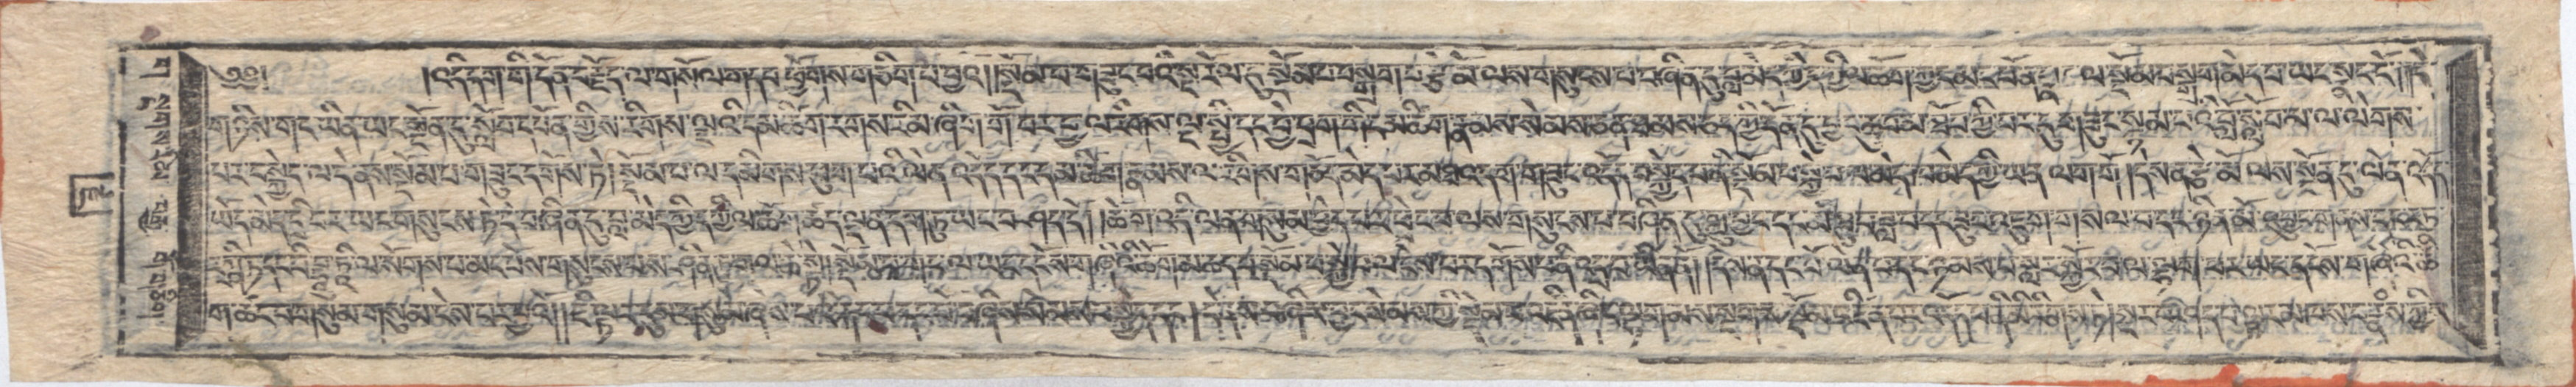༄༅། །འདི་དག་གི་དོན་བརྗོད་ལ་གསོལ་གདབ་ཕྱོགས་གཅིག་པ་བྱའོ། །སྡོམ་པ་གཟུང་བའི་སྔ་རོལ་དུ་སྡོམ་པ་བསྒྲག་པ་རྩེ་མོ་ལས་གསུངས་པ་བཞིན་དུ་བླ་མེད་ཀྱི་དཀྱིལ་ཆོག་ཀྱང་མང་པོ་ན་སྣང་ལ་སྡོམ་བསྒྲག་མེད་པ་ཡང་སྣང་ངོ། །དེ་
གཉིས་གང་ཡིན་ཡང་སྔོན་དུ་སློབ་དཔོན་གྱིས་རིགས་ལྔའི་དམ་ཚིག་རགས་རིམ་ཞིག་གོ་བར་བྱ་ལ་རིགས་ལྔ་སྤྱི་དང་བྱེ་བྲག་གི་དམ་ཚིག་རྣམས་སེམས་ཅན་ཐམས་ཅད་ཀྱི་དོན་དུ་བྱང་ཆུབ་མ་ཐོབ་ཀྱི་བར་དུ་གཟུང་སྙམ་པའི་བློ་སློབ་མ་ལ་ལེགས་
པར་བསྐྱེད་ལ་དེ་ནས་སྡོམ་པ་གཟུང་དགོས་ཏེ། སྡོམ་པ་ལ་དམིགས་ཕུག་པའི་ལེན་འདོད་དང་དམ་ཚིག་རྣམས་ལ་རིགས་གཅོད་མེད་པར་མཐའ་དག་གཟུང་འདོད་བསྐྱེད་པ་ནི་སྡོམ་པ་སྐྱེ་བ་ལ་མེད་ཁ་མེད་ཀྱི་ཡན་ལག་གོ །དེས་ན་རྩེ་མོ་ལས་སྔོན་དུ་ལེན་འདོད་
ཡོད་མེད་དྲི་བར་ཡང་གསུངས་ཏེ་དེ་བཞིན་དུ་བླ་མེད་ཀྱི་དཀྱིལ་ཆོག་ཚད་ལྡན་དག་ཏུ་ཡང་བཤད་དོ། །ཆོ་ག་འདི་ལན་གསུམ་བྱེད་པར་ཕྲེང་བ་ལས་གསུངས་པ་བཞིན་དུ་ཀླུ་བྱང་དང་མི་ཐུབ་ཟླ་བ་དང་ཟུང་འཇུག་གསལ་བ་དང་ཉིན་མོ་འབྱུང་གནས་དང་རཏྣ་
རཀྴི་ཏ་དང་བི་བྷཱུ་ཏཱི་ལ་སོགས་པ་མང་པོས་གསུངས་པས་ཤིན་ཏུ་གལ་ཆེ་སྟེ། སྡོམ་པ་གང་ལ་ཡང་དངོས་གཞིའི་ཆོ་ག་མ་ཆད་པ་སྡོམ་པ་སྐྱེ་བ་ལ་ངེས་པར་དགོས་པ་ནི་འདྲ་བ་ཡིན་ནོ། །དེས་ན་དང་པོ་ལེན་པ་དང་ཉམས་པ་སླར་སྐྱོར་བ་ལ་ལྷག་པར་ཡང་དངོས་གཞིའི་ཆོ་
ག་ཚང་བ་གསུམ་གསུམ་ངེས་པར་བྱའོ། །ཇི་ལྟར་དུས་གསུམ་ཞེས་པའི་རྐང་པ་དང་པོ་བཞིས་སེམས་བསྐྱེད་དང་། དེ་ནས་བཞིས་བྱང་སེམས་ཀྱི་སྡོམ་པ་འཛིན་ཞིང་ལྷག་མས་སྔགས་སྡོམ་འཛིན་པར་འདོད་པ་ནི་མི་རིགས་ཏེ། སྔར་བཤད་པ་ལྟར་མཁས་པ་རྣམས་ཀྱིས་